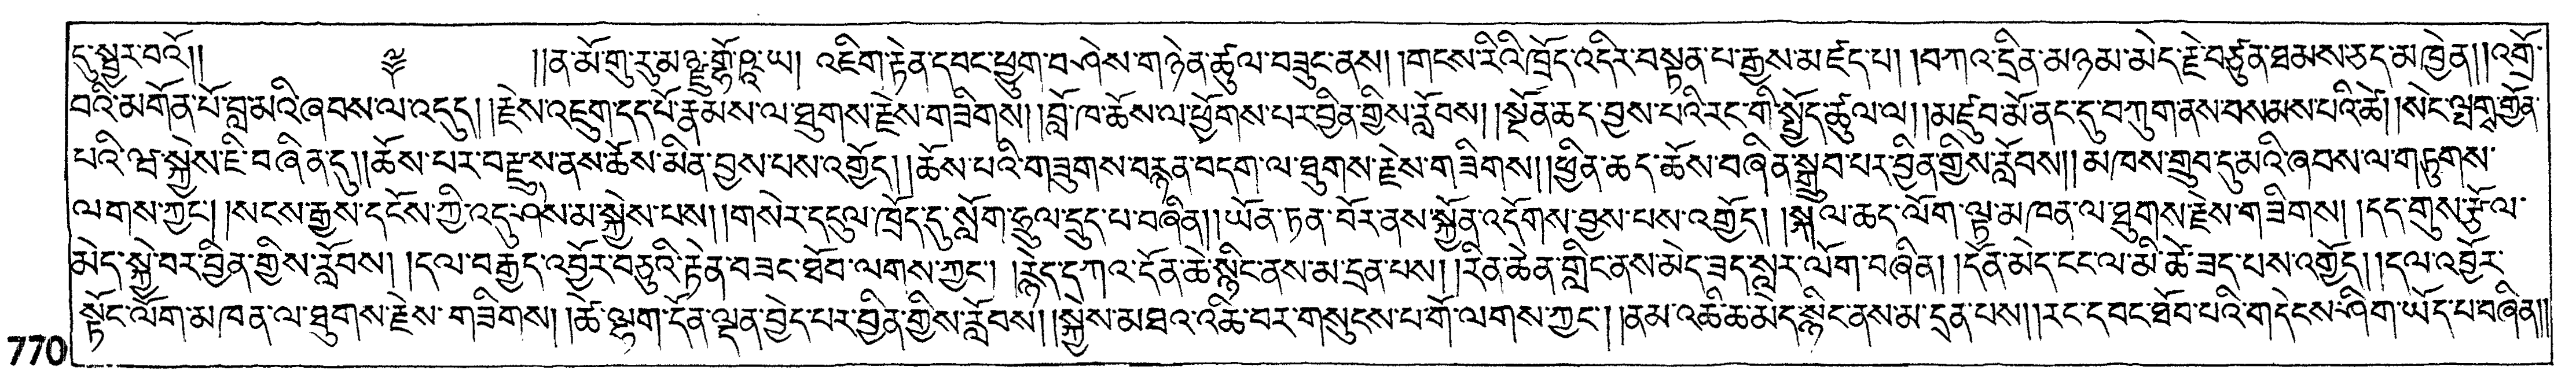དུ་སྦྱར་བའོ།། ༈ །།ན་མོ་གུ་རུ་མཉྫུ་གྷོ་ཥཱ་ཡ། འཇིག་རྟེན་དབང་ཕྱུག་བཤེས་གཉེན་ཚུལ་བཟུང་ནས། །གངས་རིའི་ཁྲོད་འདིར་བསྟན་པ་རྒྱས་མཛད་པ། །བཀའ་དྲིན་མཉམ་མེད་རྗེ་བཙུན་ཐམས་ཅད་མཁྱེན། །འགྲོ་
བའི་མགོན་པོ་བླ་མའི་ཞབས་ལ་འདུད། །རྗེས་འཇུག་དད་པོ་རྣམས་ལ་ཐུགས་རྗེས་གཟིགས། །བློ་ཁ་ཆོས་ལ་ཕྱོགས་པར་བྱིན་གྱིས་རློབས། །སྔོན་ཆད་བྱས་པའི་རང་གི་སྤྱོད་ཚུལ་ལ། །མཛུབ་མོ་ནང་དུ་བཀུག་ནས་བསམས་པའི་ཚེ། །སེང་ལྤགས་གྱོན་
པའི་ཝ་སྐྱེས་ཇི་བཞིན་དུ། །ཆོས་པར་བརྫུས་ནས་ཆོས་མིན་བྱས་པས་འགྱོད། །ཆོས་པའི་གཟུགས་བརྙན་བདག་ལ་ཐུགས་རྗེས་གཟིགས། །ཕྱིན་ཆད་ཆོས་བཞིན་སྒྲུབ་པར་བྱིན་གྱིས་རློབས། །མཁས་གྲུབ་དུ་མའི་ཞབས་ལ་གཏུགས་
ལགས་ཀྱང་། །སངས་རྒྱས་དངོས་ཀྱི་འདུ་ཤེས་མ་སྐྱེས་པས། །གསེར་དངུལ་ཁྲོད་དུ་སློག་ཧྲུལ་དྲུད་པ་བཞིན། །ཡོན་ཏན་བོར་ནས་སྐྱོན་འདོགས་བྱས་པས་འགྱོད། །སྐལ་ཆད་ལོག་ལྟ་མཁན་ལ་ཐུགས་རྗེས་གཟིགས། །དད་གུས་རྩོལ་
མེད་སྐྱེ་བར་བྱིན་གྱིས་རློབས། །དལ་བརྒྱད་འབྱོར་བཅུའི་རྟེན་བཟང་ཐོབ་ལགས་ཀྱང་། །རྙེད་དཀའ་དོན་ཆེ་སྙིང་ནས་མ་དྲན་པས། །རིན་ཆེན་གླིང་ནས་མེད་ཟད་སླར་ལོག་བཞིན། །དོན་མེད་ངང་ལ་མི་ཚེ་ཟད་པས་འགྱོད། །དལ་འབྱོར་
སྟོང་ལོག་མཁན་ལ་ཐུགས་རྗེས་གཟིགས། །ཚེ་ལྷག་དོན་ལྡན་བྱེད་པར་བྱིན་གྱིས་རློབས། །སྐྱེས་མཐའ་འཆི་བར་གསུངས་པ་གོ་ལགས་ཀྱང་། །ནམ་འཆི་ཆ་མེད་སྙིང་ནས་མ་དྲན་པས། །རང་དབང་ཐོབ་པའི་གདེངས་ཤིག་ཡོད་པ་བཞིན། །